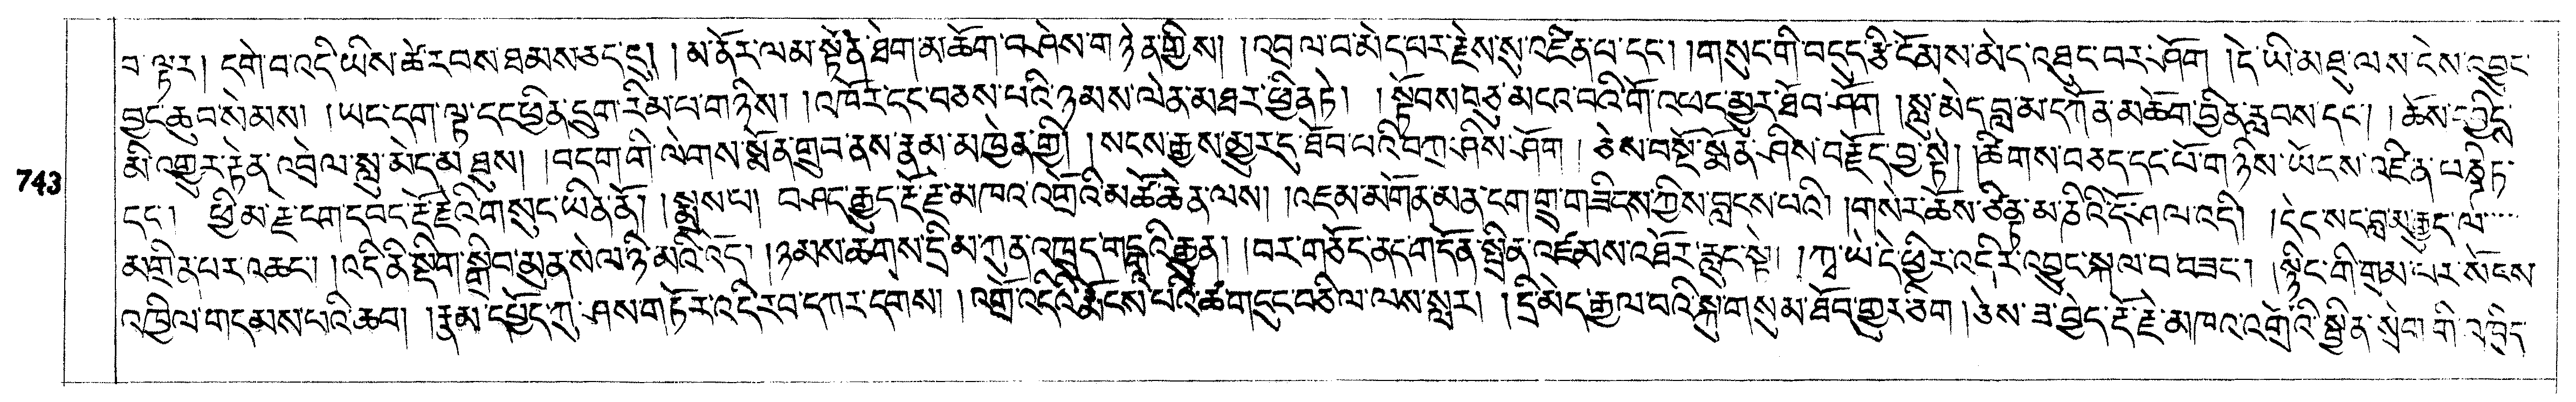བ་ལྟར། དགེ་བ་འདི་ཡིས་ཚེ་རབས་ཐམས་ཅད་དུ། །མ་ནོར་ལམ་སྟོན་ཐེག་མཆོག་བཤེས་གཉེན་གྱིས། །འབྲལ་བ་མེད་པར་རྗེས་སུ་འཛིན་པ་དང་། །གསུང་གི་བདུད་རྩི་ངོམས་མེད་འཐུང་བར་ཤོག །དེ་ཡི་མཐུ་ལས་ངེས་འབྱུང་
བྱང་ཆུབ་སེམས། །ཡང་དག་ལྟ་དང་ཕྱིན་དྲུག་རིམ་པ་གཉིས། །འཁོར་དང་བཅས་པའི་ཉམས་ལེན་མཐར་ཕྱིན་ཏེ། །སྟོབས་བཅུ་མངའ་བའི་གོ་འཕང་མྱུར་ཐོབ་ཤོག །སླུ་མེད་བླ་མ་དཀོན་མཆོག་བྱིན་རླབས་དང་། ཆོས་དབྱིངས་
མི་འགྱུར་རྟེན་འབྲེལ་སླུ་མེད་མཐུས། །བདག་གི་ལེགས་སྨོན་གྲུབ་ནས་རྣམ་མཁྱེན་གྱི། །སངས་རྒྱས་མྱུར་དུ་ཐོབ་པའི་བཀྲ་ཤིས་ཤོག །ཅེས་བསྔོ་སྨོན་ཤིས་བརྗོད་བྱ་སྟེ། །ཚིགས་བཅད་དང་པོ་གཉིས་ཡོངས་འཛིན་པཎྜིཏ་
དང་། ཕྱི་མ་རྗེ་ངག་དབང་རྡོ་རྗེའི་གསུང་ཡིན་ནོ། །སྨྲས་པ། བཤད་རྒྱུད་རྡོ་རྗེ་མཁའ་འགྲོའི་མཚོ་ཆེན་ལས། །འཇམ་མགོན་མན་ངག་གྲུ་གཟིངས་ཀྱིས་བླངས་པའི། །གསེར་ཆོས་ཙིནྟ་མ་ཎིའི་དོ་ཤལ་འདི། །དེང་སང་བླ་མ་རྒྱུད་ལ་
མགྲིན་པར་འཆང་། །འདི་ནི་སྡིག་སྒྲིབ་མུན་སེལ་ཉི་མའི་འོད། །ཉམས་ཆགས་དྲི་མ་ཀུན་འཁྲུད་གངྒཱའི་རྒྱུན། །བར་གཅོད་ནད་གདོན་སྤྲིན་འཛམས་འཐོར་རླུང་སྟེ། །ཀྭ་ཡེ་དེ་ཕྱིར་འདིར་འབྱུང་སྐལ་བ་བཟང་། །སྙིང་གི་གྲམ་པར་སོངས་
འཁྱིལ་གདམས་པའི་ཆབ། །རྣམ་དཔྱོད་ཀུ་ཤས་གཏོར་འདི་རབ་དཀར་དགེས། །འགྲོ་འདིའི་རྨོངས་པའི་ཚ་གདུང་བཅིལ་ལས་སླར། །དྲི་མེད་རྒྱལ་བའི་སྐུ་གསུམ་ཐོབ་གྱུར་ཅིག །ཅེས་ཟ་བྱེད་རྡོ་རྗེ་མཁའ་འགྲོའི་སྦྱིན་སྲེག་གི་འཁྲིད་